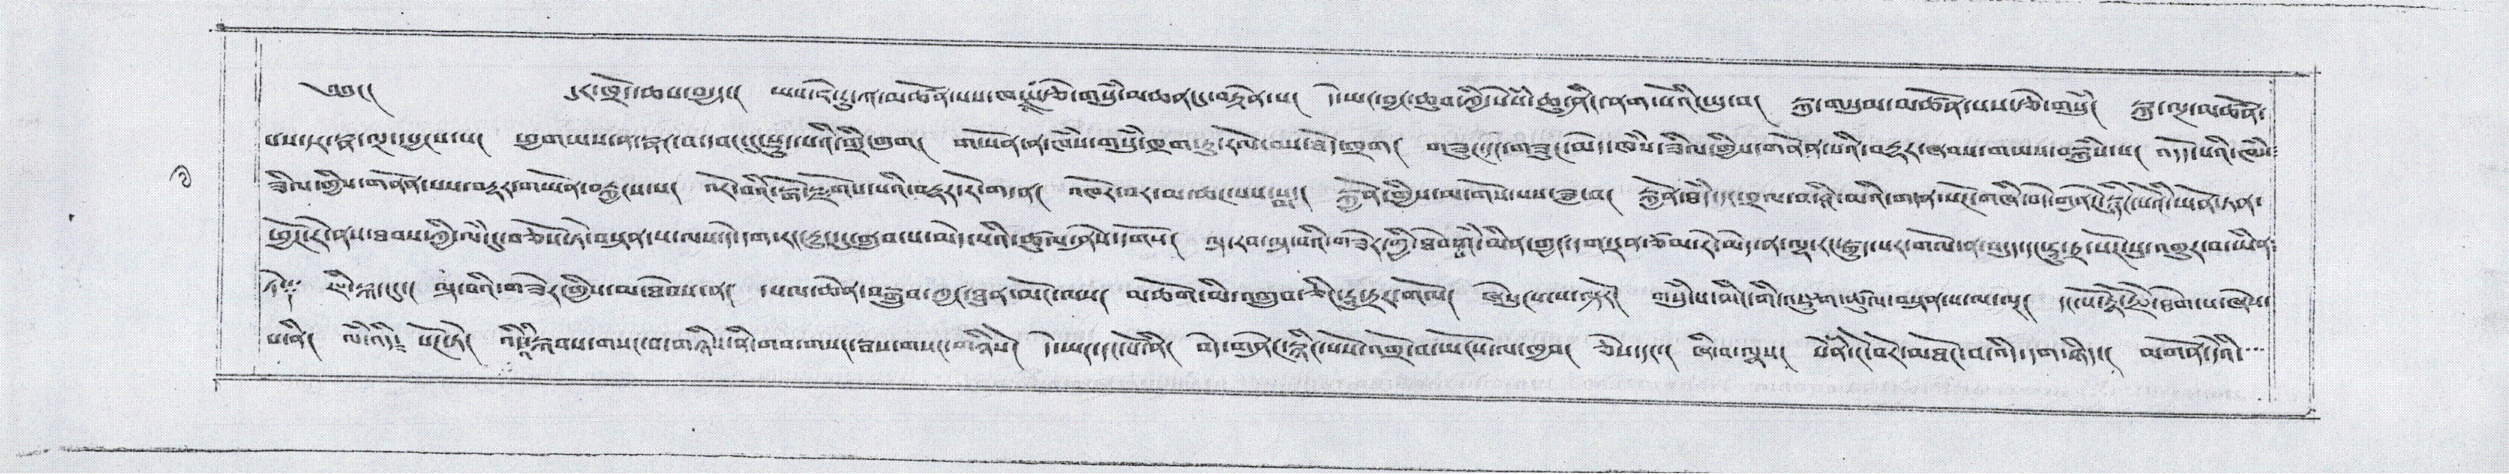དུར་ཁྲོད་ཆས་བརྒྱད། ཡབ་ཧེ་རུ་ཀ་མཚོན་པས་ཁ་ཊཾ་རྩེ་གསུམ་མཆན་དུ་བརྟེན་པ། དེ་ཡང་བྱང་ཆུབ་ཀྱི་སེམས་ཆུ་ཤིང་ནག་པོའི་ཡུ་བ། སྐུ་གསུམ་མཚོན་པས་རྩེ་གསུམ། སྐུ་ལྔ་མཚོན་
པས་དར་སྣ་ལྔ་དཔྱངས་པ། ཕྱག་གཡས་སྣང་བ་དབང་དུ་སྡུད་པའི་གྲི་ཁུག གཡོན་ན་ཁམས་གསུམ་ཁྲག་ཏུ་རོལ་པས་ཐོད་ཁྲག གཟུགས་དང་གཟུགས་མེད་ཁམས་ཟིལ་གྱིས་གནོན་པའི་བརྡར་ཞབས་གཡས་བསྐུམ་པ། འདོད་པའི་ཁམས་
ཟིལ་གྱིས་གནོན་པའི་བརྡར་གཡོན་བརྐྱངས་པ། འཁོར་བའི་སྒོ་རྫོགས་པའི་བརྡར་རོ་གདན། འཁོར་བར་མ་ཆགས་པས་པདྨ། སྐྱོན་གྱིས་མ་གོས་པས་ཟླ་བ། སྐྱོན་ཐམས་ཅད་དང་བྲལ་བ་ཉི་མའི་གདན་སོགས་གཞི་བདེར་གཤེགས་སྙིང་པོའི་ཡོན་ཏན་
ཕྱོགས་རེ་ནས་ཐབས་ཀྱི་ལམ་དུ་བཅོས་ཏེ་བསྟན་པ་ལས་དེ་དག་རང་བྱུང་དུ་གྲུབ་པ་མེད་པའི་ཚུལ་ཤེས་སོ། ལྟ་རབ་ལྟ་བའི་གཟེར་གྱིས་ཐེབས་པའམ་མིན་ཀྱང་དག་དྲན་ཙམ་རེ་མེད་ན་ལྷ་རང་རྒྱུད་པར་གོལ་ན་བདུད་དང་རུ་ཏྲ་སོགས་སུ་འགྱུར་བ་ཡིན་
ཏེ། ཇི་སྐད་དུ། ལྟ་བའི་གཟེར་གྱིས་མ་ཐེབས་ན། །དཔལ་ཆེན་བསྒྲུབ་ཀྱང་ཐུན་མོང་ལམ། །མཆོག་མི་འགྲུབ་ཅིང་རུ་ཏྲར་གོལ། །ཞེས་གསུངས་པ་ལྟར་རོ། །གསུམ་པ་མིང་གི་འཇུག་ཚུལ་བསྟན་པ་ལ་ལྔ། དང་པོ་རྡོ་རྗེ་དགེ་བ་ཞེས་
པ་ནི། ལམ་འདི་སོགས་ཏེ། འདིའི་སྐབས་གསང་བ་གཉིས་ནི་གབ་གསང་སྦས་གསང་གཉིས་སོ། དེ་ཡང་དང་པོ་ནི། བདེར་གཤེགས་སྙིང་པོས་འགྲོ་བ་ཡོངས་ལ་ཁྱབ། །ཅེས་དང་ཞི་བ་ལྷས། སེམས་ཅན་ངོ་བོར་མཐོང་བ་འདི་དག་ཉིད། །མགོན་དེའི་